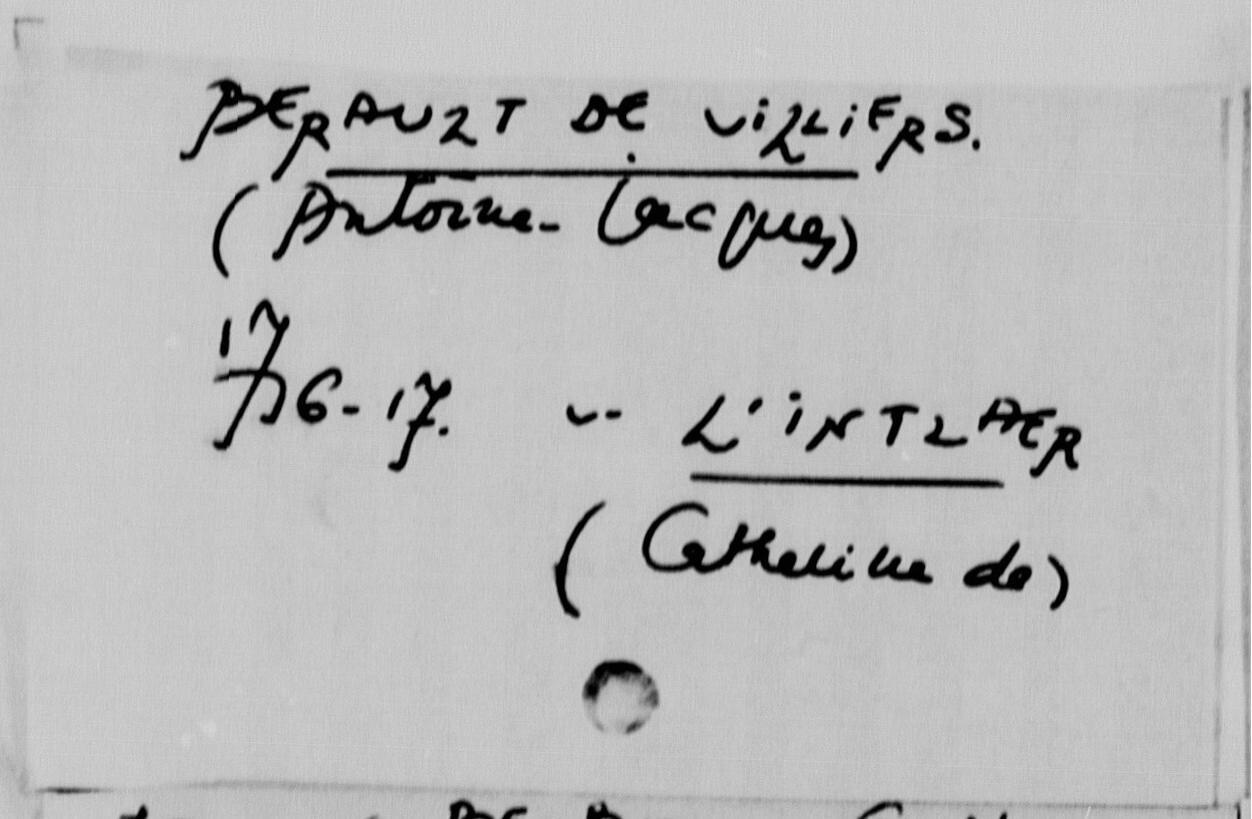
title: BERAULT DE VILLIERS (Antoine-Jacques)
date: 1716-1717
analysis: Voir : L'INTLAER (Catherine de)
